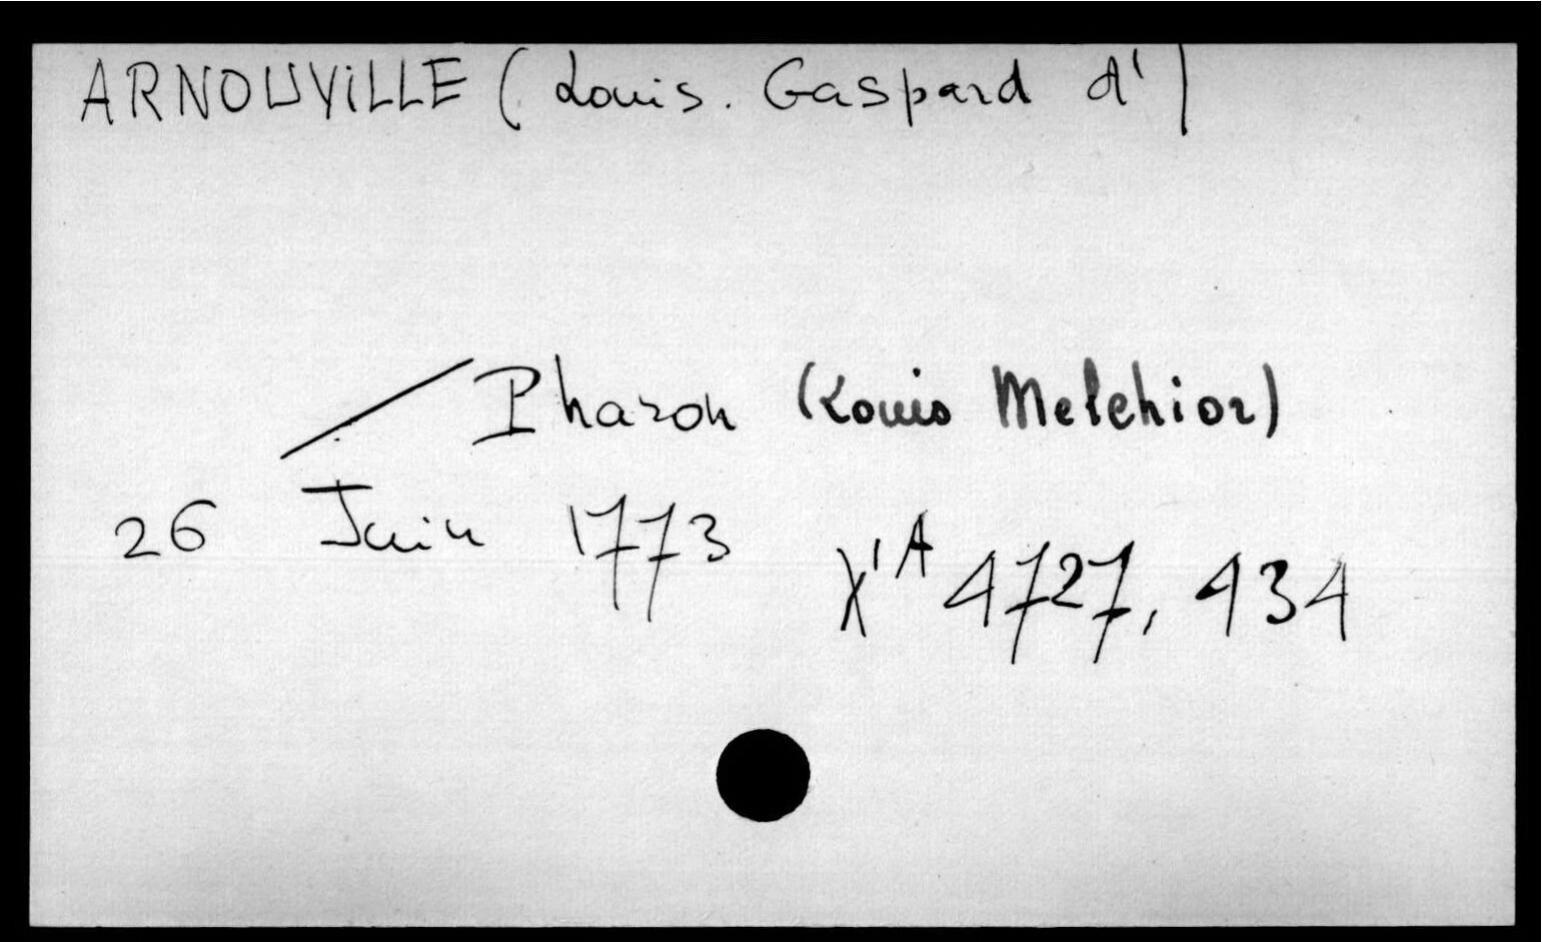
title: ARNOUVILLE (Louis-Gaspard d')
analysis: Contre Pharon (Louis Melehior)
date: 26 juin 1773
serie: X1A
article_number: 4727
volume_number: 434
